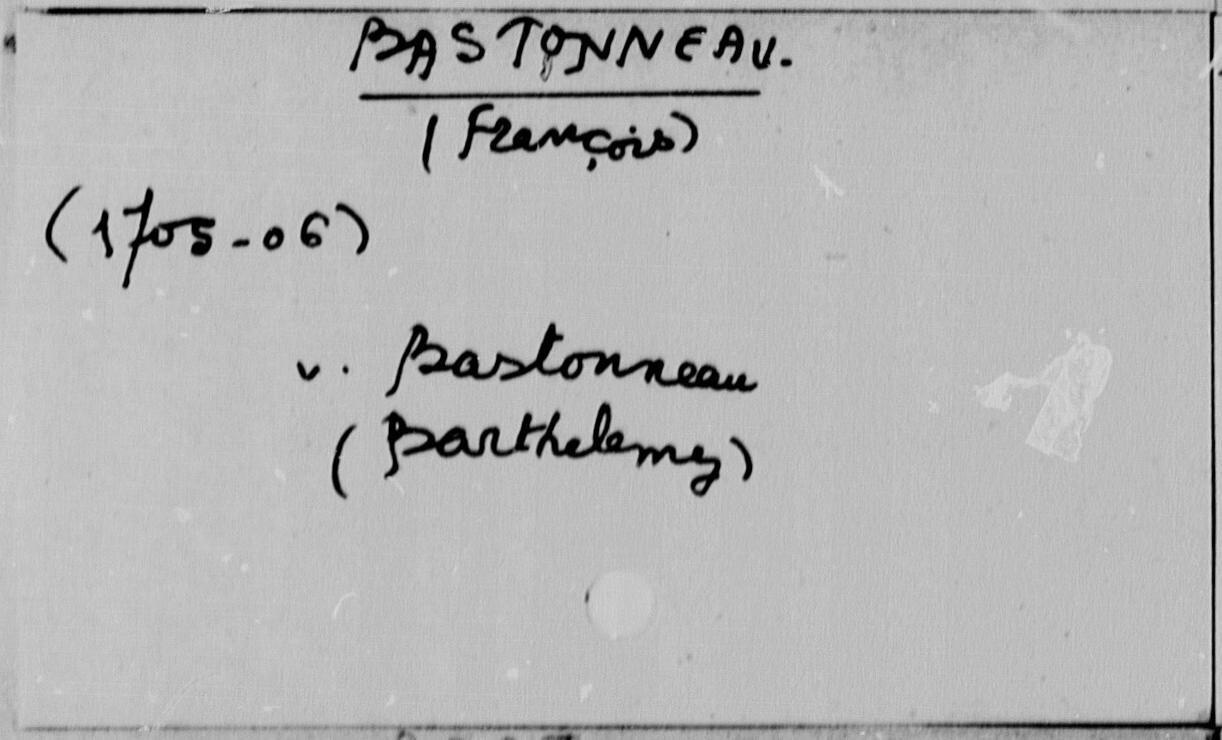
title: BASTONNEAU (François)
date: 1705-1706
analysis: Voir BASTONNEAU (Barthelemy)
